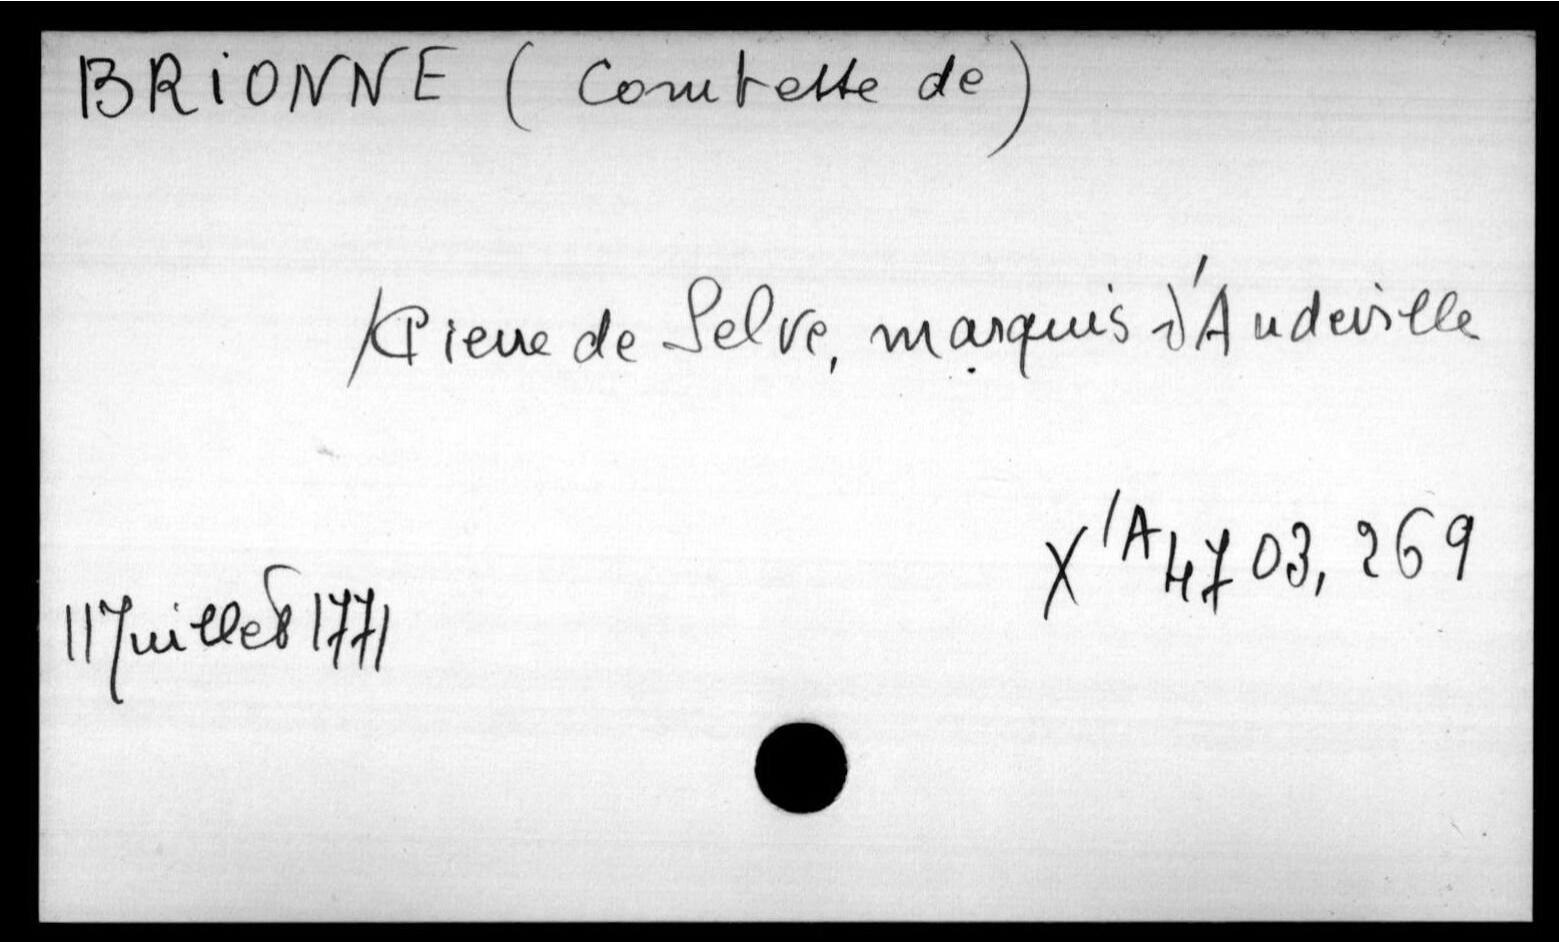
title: BRIONNE (Comtesse de)
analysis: Contre Pierre de Selve, marquis d'Audeville
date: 11 juillet 1771
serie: X1A
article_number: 4703
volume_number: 269
